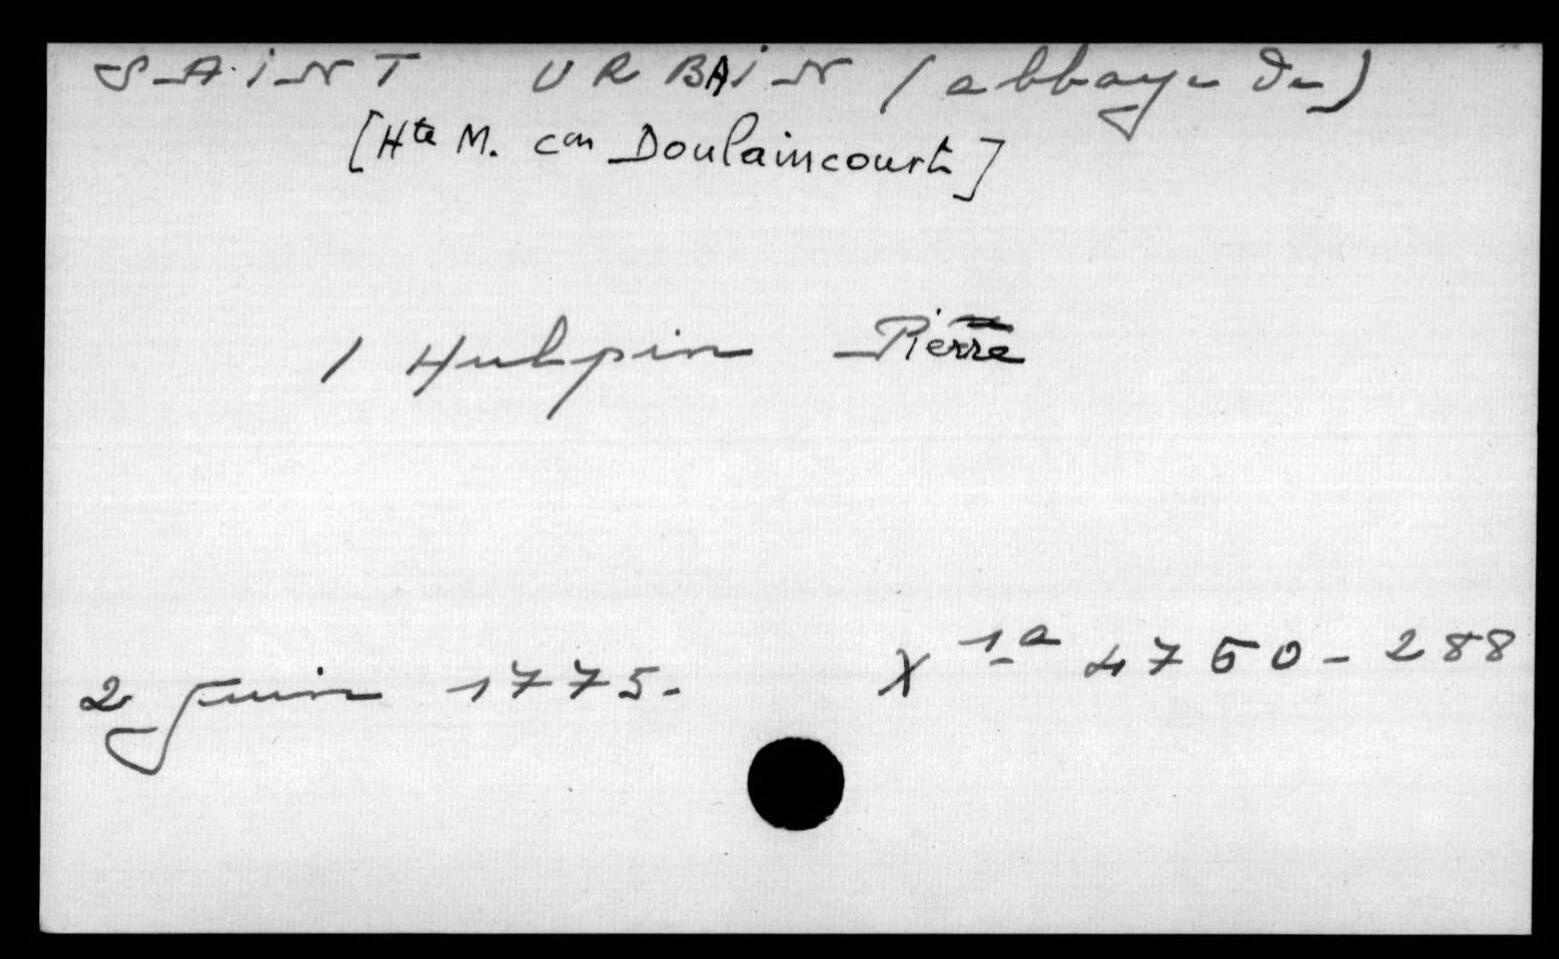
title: SAINT-URBAIN (abbaye de) [Haute-Marne, canton Doulaincourt]
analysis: Contre Hulpin Pierre
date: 2 juin 1775
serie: X1a
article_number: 4760
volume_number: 288
